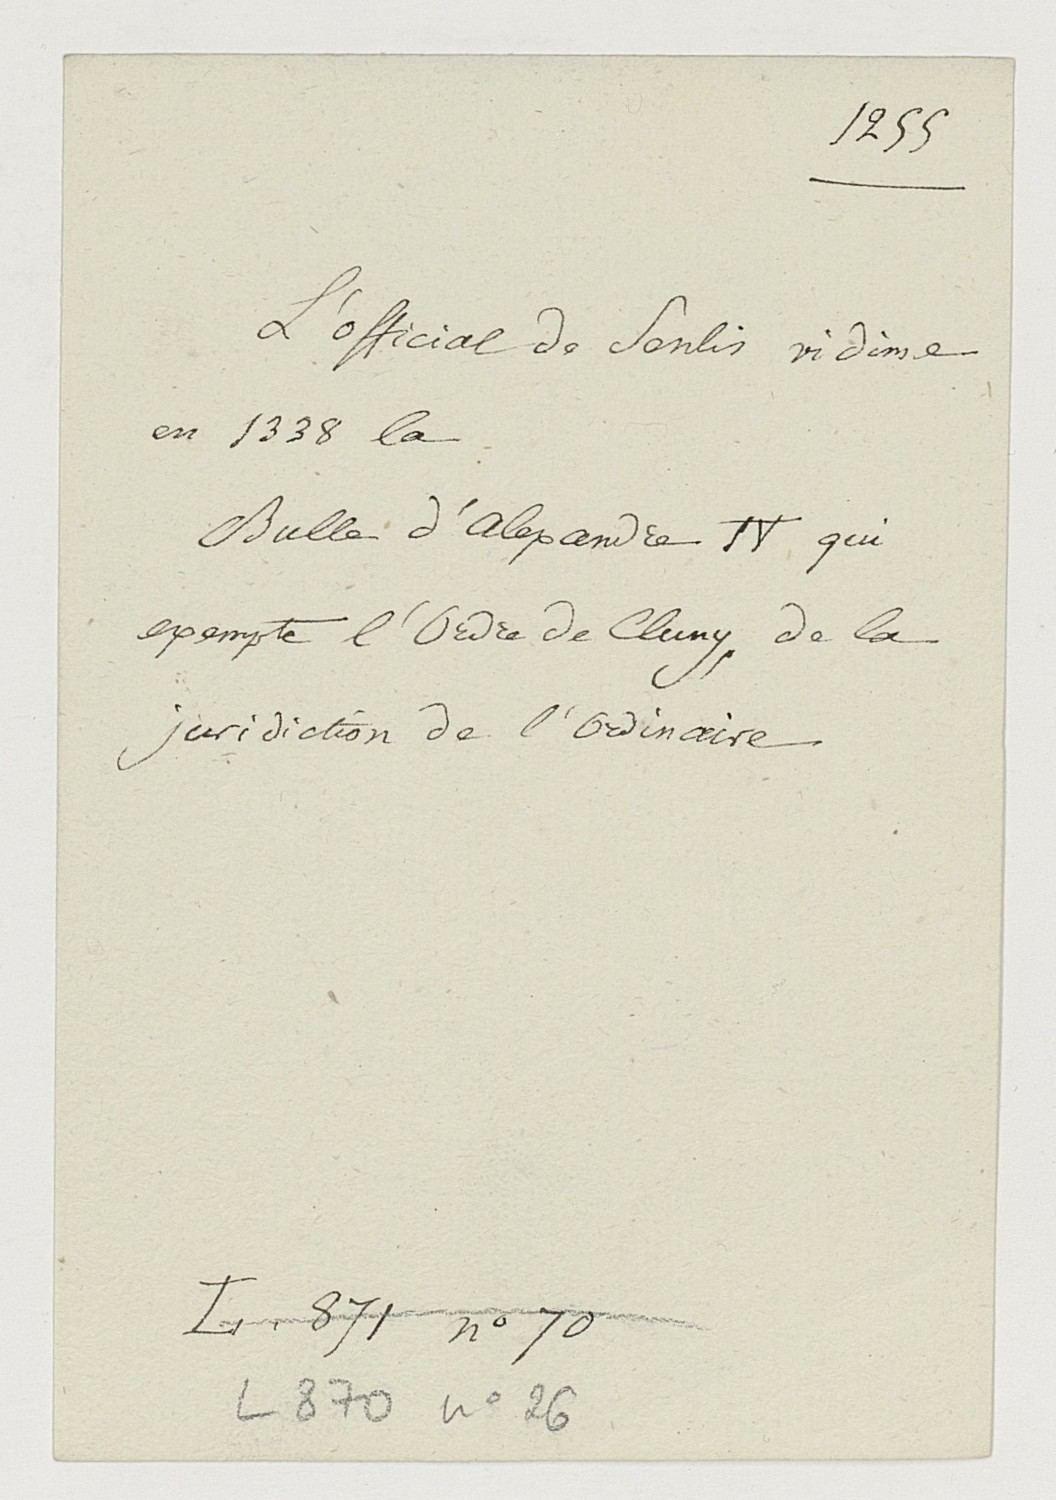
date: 1255
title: L'official de Senlis vidime en 1338 la bulle d'Alexandre IV qui exempte l'Ordre de Cluny de la juridiction de l'ordinaire
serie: L
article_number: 870
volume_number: n° 26
